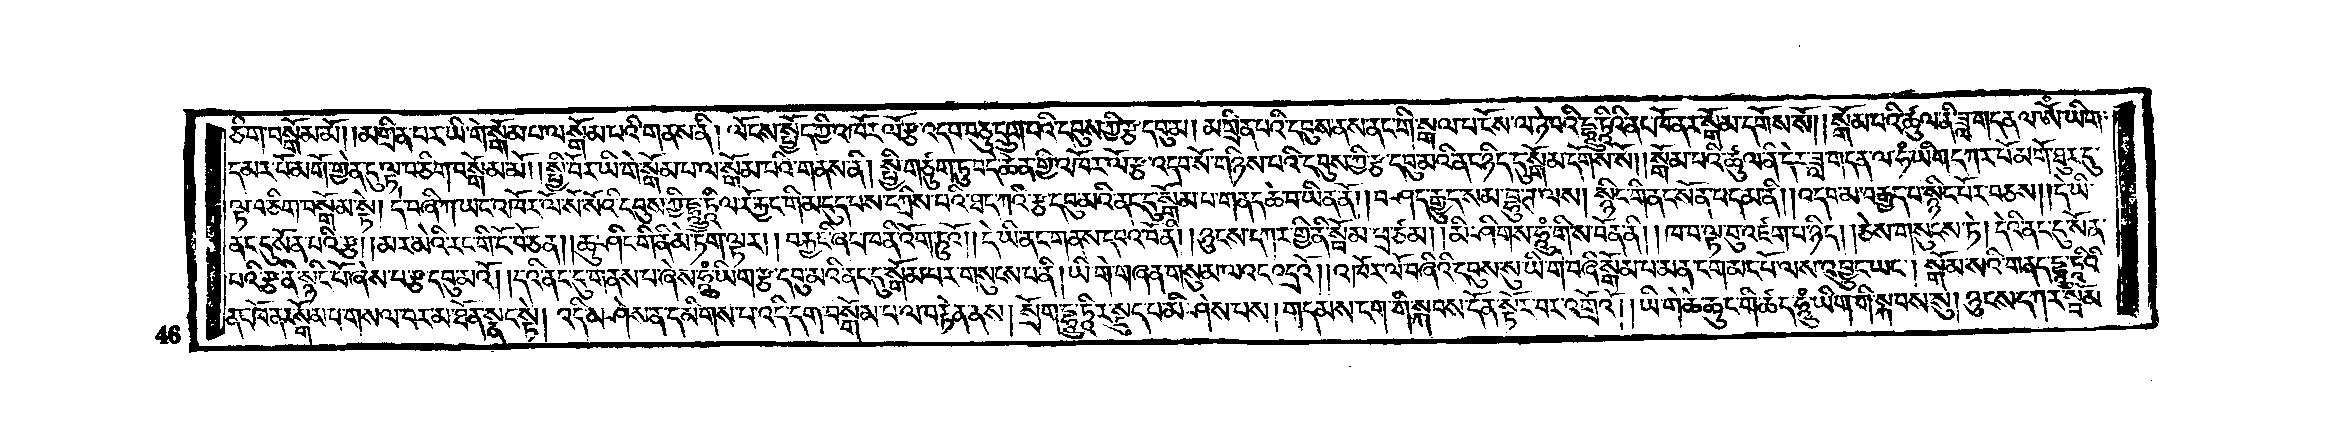ཅིག་བསྒོམ་མོ། །མགྲིན་པར་ཡི་གེ་སྒོམ་པ་ལ་སྒོམ་པའི་གནས་ནི། ལོངས་སྤྱོད་ཀྱི་འཁོར་ལོ་རྩ་འདབ་བཅུ་དྲུག་པའི་དབུས་ཀྱི་རྩ་དབུ་མ། མགྲིན་པའི་དབུས་ནས་ནང་གི་སྒལ་པ་ངོས་ལ་ཉེ་བའི་དྷཱུ་ཏཱིའི་ནང་ཁོ་ནར་སྒོམ་དགོས་སོ། །སྒོམ་པའི་ཚུལ་ནི་ཟླ་གདན་ལ་ཨོཾ་ཡིག་
དམར་པོ་མགོ་གྱེན་དུ་ལྟ་བ་ཅིག་བསྒོམ་མོ། །སྤྱི་བོར་ཡི་གེ་སྒོམ་པ་ལ་སྒོམ་པའི་གནས་ནི། སྤྱི་གཙུག་ཏུ་བདེ་ཆེན་གྱི་འཁོར་ལོ་རྩ་འདབ་སོ་གཉིས་པའི་དབུས་ཀྱི་རྩ་དབུ་མའི་ནང་ཉིད་དུ་སྒོམ་དགོས་སོ། །སྒོམ་པའི་ཚུལ་ནི་དེར་ཟླ་གདན་ལ་ཧཾ་ཡིག་དཀར་པོ་མགོ་ཐུར་དུ་
ལྟ་བ་ཅིག་བསྒོམ་སྟེ། དེ་བཞི་ཀ་ཡང་འཁོར་ལོ་སོ་སོའི་དབུས་ཀྱི་དྷཱུ་ཏཱི་ལ་རོ་རྐྱང་གི་མདུད་པས་དཀྲིས་པའི་ཐད་ཀའི་རྩ་དབུ་མའི་ནང་དུ་སྒོམ་པ་གནད་ཆེ་བ་ཡིན་ནོ། །བཤད་རྒྱུད་སམ་བྷུ་ཊ་ལས། སྙིང་གི་ནང་སོན་པད་མ་ནི། །འདབ་མ་བརྒྱད་པ་སྙིང་པོར་བཅས། །དེ་ཡི་
ནང་དུ་སོན་པའི་རྩ། །མར་མེའི་རང་གི་ངོ་བོ་ཅན། །ཆུ་ཤིང་གི་ནི་མེ་ཏོག་ལྟར། །བརྐྱང་ཞིང་ཁ་ནི་འོག་ཏུའོ། །དེ་ཡི་ནང་གནས་དཔའ་བོ་ནི། །ཉུངས་དཀར་གྱི་ནི་སྦོམ་ཕྲ་ཙམ། །མི་ཤིགས་ཧཱུཾ་གི་ས་བོན་ནི། །ཁ་བ་ལྟ་བུ་འཛག་པ་ཉིད། །ཅེས་གསུངས་ཏེ། དེའི་ནང་དུ་སོན་
པའི་རྩ་ནི་སྙིང་པོ་ཞེས་པ་རྩ་དབུ་མའོ། །དེའི་ནང་དུ་གནས་པ་ཞེས་ཧཱུཾ་ཡིག་རྩ་དབུ་མའི་ནང་དུ་སྒོམ་པར་གསུངས་པ་ནི། ཡི་གེ་གཞན་གསུམ་ལའང་འདྲའོ། །འཁོར་ལོ་བཞིའི་དབུས་སུ་ཡི་གེ་བཞི་སྒོམ་པ་མན་ངག་མང་པོ་ལས་འབྱུང་ཡང་། སྒོམ་སའི་གནད་དྷཱུ་ཏཱིའི་
ནང་ཁོ་ནར་སྒོམ་པ་གསལ་བར་མ་ཐོན་སྣང་སྟེ། འདི་མ་ཤེས་ན་དམིགས་པ་འདི་དག་བསྒོམ་པ་ལ་བརྟེན་ནས། སྲོག་དྷཱུ་ཏཱིར་སྡུད་པ་མི་ཤེས་པས། གདམས་ངག་གི་སྐབས་དོན་སྟོར་བར་འགྲོའོ། །ཡི་གེ་ཆེ་ཆུང་གི་ཚད་ཧཱུཾ་ཡིག་གི་སྐབས་སུ། ཉུངས་དཀར་སྦོམ་